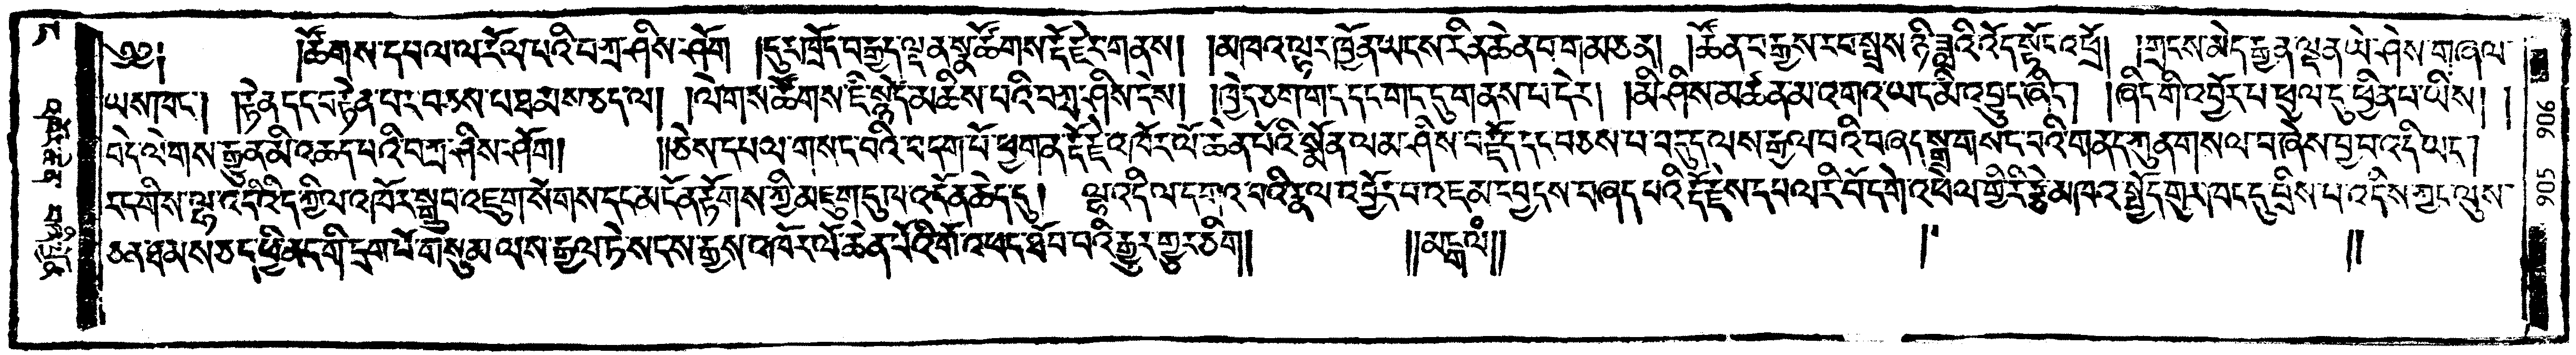༄༅། །ཚོགས་དཔལ་ལ་རོལ་པའི་བཀྲ་ཤིས་ཤོག །དུར་ཁྲོད་བརྒྱད་ལྡན་སྣ་ཚོགས་རྡོ་རྗེར་གནས། །མཁའ་ལྟར་ཁྱོན་ཡངས་རིན་ཆེན་བ་གམ་ཅན། །ཚོན་བརྒྱས་རབ་སྤྲས་ཉི་ཟླའི་འོད་སྟོང་འཕྲོ། །གྲངས་མེད་རྒྱན་ལྡན་ཡེ་ཤེས་གཞལ་
ཡས་ཁང་། །རྟེན་དང་བརྟེན་པར་བཅས་པ་ཐམས་ཅད་ལ། །ལེགས་ཚོགས་ཇི་སྙེད་མཆིས་པའི་བཀྲ་ཤིས་དེས། །ཁྱེད་ཅག་གང་དང་གང་དུ་གནས་པ་དེར། །མི་ཤིས་མཚན་མ་འགའ་ཡང་མི་འབྱུང་ཞིང་། །ཞིང་གི་འབྱོར་པ་ཕུལ་དུ་ཕྱིན་པ་ཡིས། །
བདེ་ལེགས་རྒྱུན་མི་འཆད་པའི་བཀྲ་ཤིས་ཤོག། །།ཅེས་དཔལ་གསང་པའི་བདག་པོ་ཕྱག་ན་རྡོ་རྗེ་འཁོར་ལོ་ཆེན་པོའི་སྨོན་ལམ་ཤིས་བརྗོད་དང་བཅས་པ་བདུད་ལས་རྒྱལ་བའི་བཞད་སྒྲ་གསང་བའི་གནད་ཀུན་གསལ་པ་ཞེས་བྱ་བ་འདི་ཡང་།
རང་གིས་ལྷ་འདིའི་དཀྱིལ་འཁོར་སྒྲུབ་འཇུག་སོགས་དང་མངོན་རྟོགས་ཀྱི་མཇུག་དུ་ཁ་འདོན་ཆེད་དུ། །ལྷ་འདི་ལ་དགའ་བའི་རྣལ་འབྱོར་པ་འཇམ་དབྱངས་བཞད་པའི་རྡོ་རྗེས་དཔལ་རི་པོ་དགེ་འཕེལ་གྱི་རི་རྩེ་མཁའ་སྤྱོད་གུར་ཁང་དུ་བྲིས་པ་འདིས་ཀྱང་ལུས་
ཅན་ཐམས་ཅད་ཕྱི་ནང་གི་དྲག་པོ་གསུམ་ལས་རྒྱལ་ཏེ་སངས་རྒྱས་འཁོར་ལོ་ཆེན་པོའི་གོ་འཕང་ཐོབ་པའི་རྒྱུར་གྱུར་ཅིག། །།མངྒ་ལཾ།། །། །།